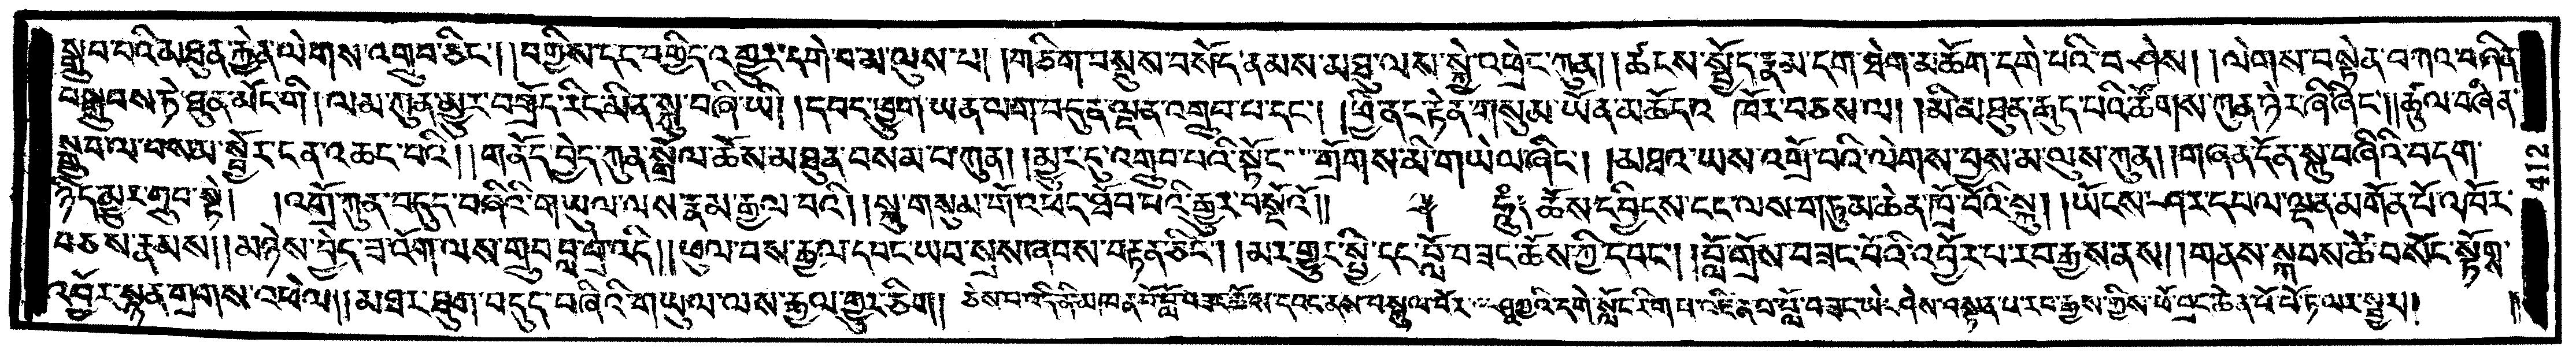སྒྲུབ་པའི་མཐུན་རྐྱེན་ལེགས་འགྲུབ་ཅིང་། །བགྱིས་དང་བགྱིད་འགྱུར་དགེ་བ་མ་ལུས་པ། །གཅིག་བསྡུས་བསོད་ནམས་མཐུ་ལས་སྐྱེ་འཕྲེང་ཀུན། །ཚངས་སྤྱོད་རྣམ་དག་ཐེག་མཆོག་དགེ་པའི་བཤེས། །ལེགས་བསྟེན་བཀའ་བཞིན་
བསྒྲུབས་ཏེ་ཐུན་མོང་གི །ལམ་ཀུན་མྱུར་བགྲོད་རིང་མིན་སྐུ་བཞི་ཡི། །དབང་ཕྱུག་ཡན་ལག་བདུན་ལྡན་འགྲུབ་པ་དང་། །ཕྱི་ནང་རྟེན་གསུམ་ཡོན་མཆོད་འཁོར་བཅས་ལ། །མི་མཐུན་རྒུད་པའི་ཚོགས་ཀུན་ཉེར་ཞི་ཞིང་། །ཚུལ་བཞིན་
སྒྲུབ་ལ་བསམ་སྦྱོར་ངན་འཆང་བའི། །གནོད་བྱེད་ཀུན་སྒྲོལ་ཆོས་མཐུན་བསམ་པ་ཀུན། །མྱུར་དུ་འགྲུབ་པའི་སྟོང་གྲོགས་མི་གཡེལ་ཞིང་། །མཐའ་ཡས་འགྲོ་བའི་ལེགས་བྱས་མ་ལུས་ཀུན། །གཞན་དོན་སྐུ་བཞིའི་བདག་
ཉིད་མྱུར་གྲུབ་སྟེ། །འགྲོ་ཀུན་བདུད་བཞིའི་གཡུལ་ལས་རྣམ་རྒྱལ་བའི། །སྐུ་གསུམ་གོ་འཕང་ཐོབ་པའི་རྒྱུར་བསྔོའོ།། ༈ ཧཱུཾ། ཆོས་དབྱིངས་ངང་ལས་གཏུམ་ཆེན་ཁྲོ་བོའི་སྐུ། །ཡོངས་ཤར་དཔལ་ལྡན་མགོན་པོ་འཁོར་
བཅས་རྣམས། །མཉེས་བྱེད་ཟ་འོག་ལས་གྲུབ་བླ་བྲེ་འདི། །ཕུལ་བས་རྒྱལ་དབང་ཡབ་སྲས་ཞབས་བརྟན་ཅིང་། །མར་གྱུར་སྤྱི་དང་བློ་བཟང་ཆོས་ཀྱི་དབང་། །བློ་གྲོས་བཟང་པོའི་འབྱོར་པ་རབ་རྒྱས་ནས། །གནས་སྐབས་ཚེ་བསོང་སྟོགས་
འབྱོར་སྙན་གྲགས་འཕེལ། །མཐར་ཐུག་བདུད་བཞིའི་གཡུལ་ལས་རྒྱལ་གྱུར་ཅིག །ཅེས་པ་འདི་ནི་མཁན་པོ་བློ་བཟང་ཆོས་དབང་ནས་བསྐུལ་བོར་ཤཱཀྱའི་དགེ་སློང་རིག་པ་འཛིན་པ་བློ་བཟང་ཡེ་ཤེས་བསྟན་པ་རབ་རྒྱས་ཀྱིས་ཕོ་བྲང་ཆེན་པོ་པོ་ཏ་ལར་སྦྱར།། །།